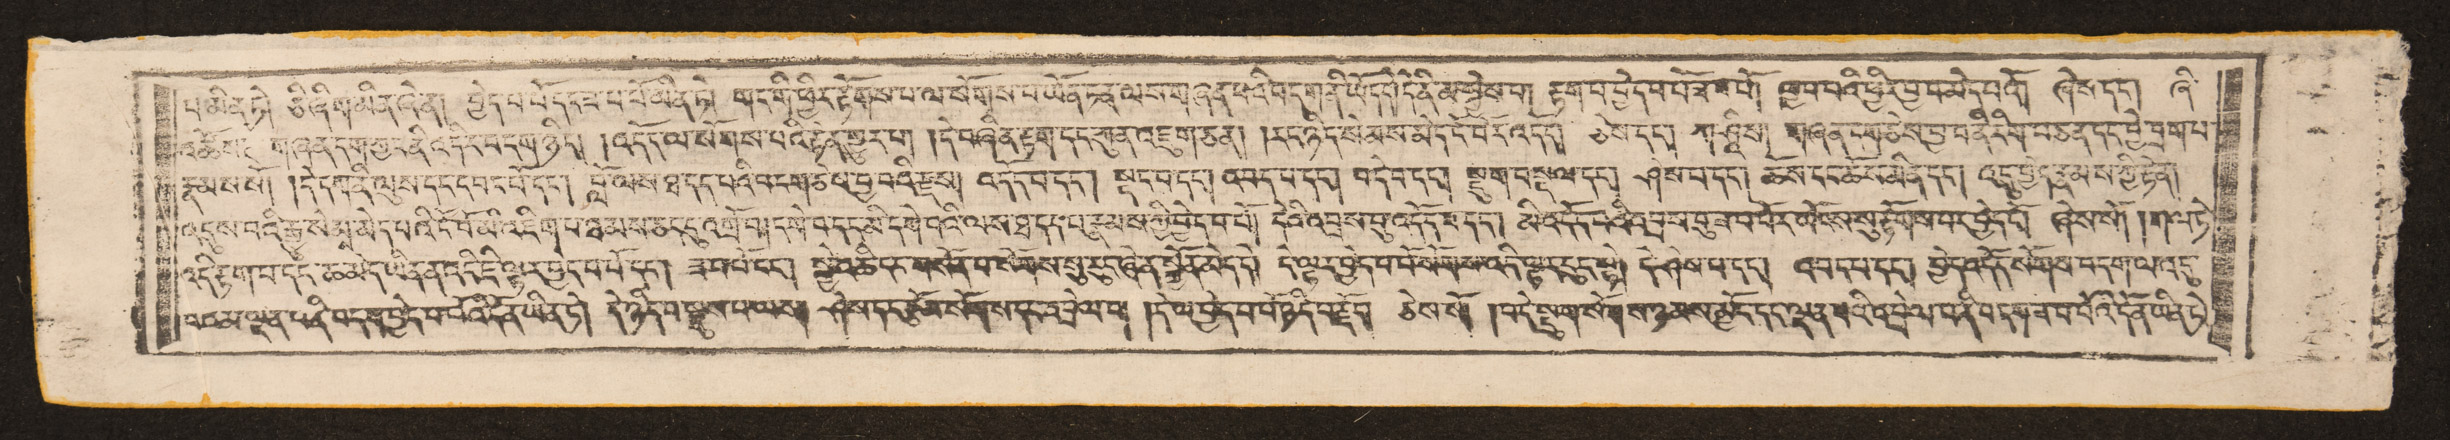པ་མིན་ཏེ། ཅི་ཞིག་མིན་ཞེ་ན། བྱེད་པ་པོ་དང་ཟ་བ་པོ་མིན་ཏེ། གང་གི་ཕྱིར་རྟོགས་པ་ལ་སོགས་པ་ཡོན་ཏན་ལས་གཞན་པའི་བདག་ནི་ཡོད་དེ། དེ་ནི་མ་སྐྱེས་པ། རྟག་པ་བྱེད་པ་པོ་ཟ་བའོ། བྱབ་པའི་ཕྱིར་བྱ་བ་མེད་པའོ། ཞེས་དང་། ཞི་
འཚོས་གཞན་དག་ཀྱང་ནི་འདིར་བདག་ཉིད། །འདོད་ལ་སོགས་པའི་རྟེན་གྱུར་བ། །དེ་བཞིན་རྟག་དང་ཀུན་འཇུག་ཅན། །རང་ཉིད་སེམས་མེད་ངོ་བོར་འདོད། ཅེས་དང་། ཀ་ཤཱིས། གཞན་དག་ཅེས་བྱ་བ་ནི་རིག་པ་ཅན་དང་བྱེ་བྲག་པ་
རྣམས་སོ། །དེ་དག་ནི་ལུས་དང་དབང་པོ་དང་། བློ་ལས་ཐ་དད་པའི་བདག་ཅེས་བྱ་བའི་རྫས། འདོད་པ་དང་། སྡང་པ་དང་། འབད་པ་དང་། བདེ་བ་དང་། སྡུག་བསྔལ་དང་། ཤེས་པ་དང་། ཆོས་དང་ཆོས་མིན་དང་། འདུ་བྱེད་རྣམས་ཀྱི་རྟེན།
འདུས་པའི་རྒྱུ་སེམས་མེད་པའི་ངོ་བོ་མི་འཇིག་པ་ཐམས་ཅད་དུ་འགྲོ་བ། དགེ་བ་དང་མི་དགེ་བའི་ལས་ཐ་དད་པ་རྣམས་ཀྱི་བྱེད་པ་པོ། དེའི་འབྲས་བུ་འདོད་པ་དང་། མི་འདོད་པའི་འབྲས་བུ་ཟ་བ་པོར་ཡོངས་སུ་རྟོགས་པར་བྱེད་དོ། ཞེས་སོ། །གལ་ཏེ་
འདི་རྟག་པ་དང་ཆ་མེད་ཡིན་ན་འདི་ཇི་ལྟར་བྱེད་པ་པོ་དང་། ཟ་བ་པོ་དང་། སྐྱེ་འཆི་དང་གསོན་པ་སོགས་སུ་རུང་ཞེན་སྐྱོན་མེད་དེ། དེ་ལྟར་བྱེད་པ་པོ་སོགས་འདི་ལྟར་རུང་སྟེ། དེ་ཤེས་པ་དང་། འབད་པ་དང་། བྱེད་འདོད་སོགས་བདག་ལ་འདུ་
པའམ་ལྡན་པ་ནི་བདག་བྱེད་པ་པོའི་དོན་ཡིན་ཏེ། དེ་ཉིད་བསྡུས་པ་ལས། ཤེས་དང་རྩོམ་སོགས་དང་འབྲེལ་བ། །དེ་ལ་བྱེད་པ་པོ་ཉིད་བརྗོད། ཅེས་སོ། །བདེ་སྡུག་སོགས་ཉམས་མྱོང་དང་ལྡན་པའི་འབྲེལ་བ་ནི་བདག་ཟ་བ་པོའི་དོན་ཡིན་ཏེ་